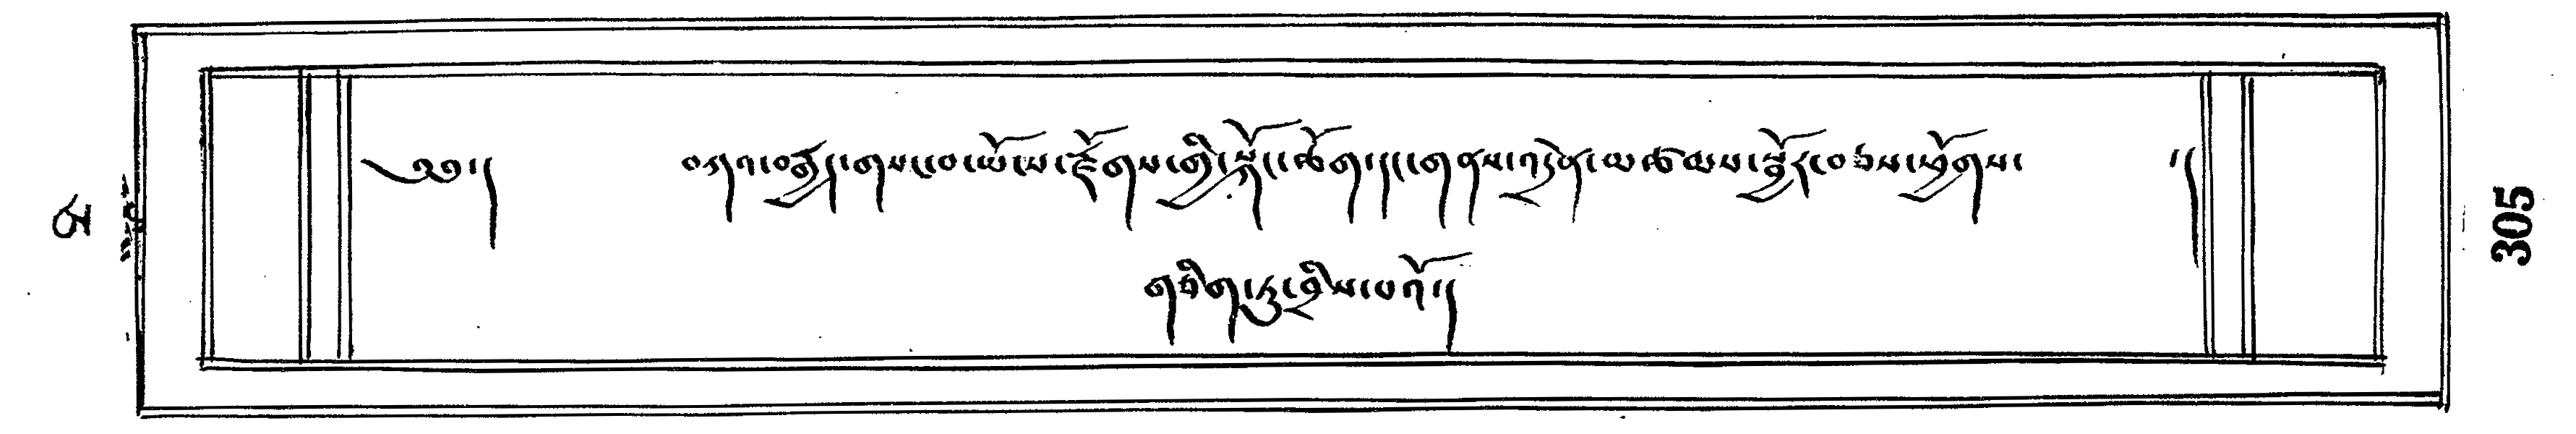༄༅། བཀའ་བརྒྱད་གསང་བ་ཡོངས་རྫོགས་གྱི་སྐོང་ཆོག་དང་གནས་འདྲེན་མཚམས་སྦྱོར་བཅས་ཕྱོགས་
གཅིག་ཏུ་བྲིས་པའོ།